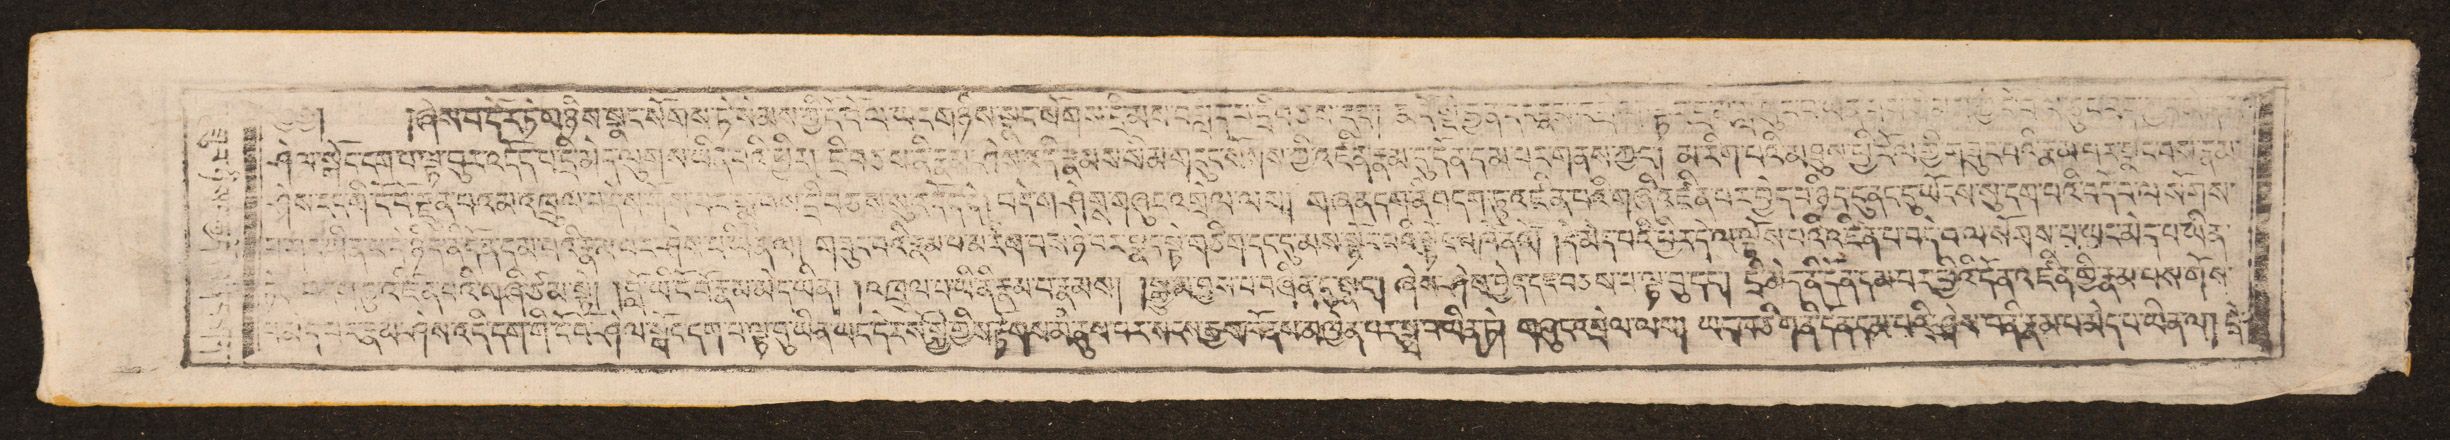༄༅། །ཞེས་པ་དོར་ཏེ་གཉིས་སྣང་སོགས་ཏེ་སེམས་ཀྱི་ངོ་བོ་ལ་ཡང་གཉིས་སྣང་སོགས་དྲི་མས་བསླད་པ་དྲི་བཅས་དང་། མདོ་སྡེ་རྒྱན་དང་རྣམ་འགྲེལ་ལྟར་དྲི་མ་གློ་བུར་པ་ཡིན་པས་སེམས་ཀྱི་ངོ་བོ་ལ་ཅུང་ཟད་ཀྱང་མེད་པ་
ཤེལ་སྒོང་དག་པ་ལྟ་བུར་འདོད་པ་དྲི་མེད་ལུགས་ཡིན་པའི་ཕྱིར། དྲི་བཅས་ནི་རྣམ་ཤེས་འདི་རྣམས་སིམ་གདུང་སོགས་ཀྱི་འཛིན་རྣམ་དུ་དོན་དམ་པར་གནས་ཀྱང་། མ་རིག་པའི་མཐུས་ཕྱི་རོལ་གྱི་གཟུང་བའི་རྣམ་གར་སྣང་བས་རྣམ་ཤེས་
རང་གི་ངོ་བོ་རྫུན་པའམ་འཁྲུལ་བ་དེས་གོས་པར་སྨྲ་བས་དྲི་བཅས་སུ་འདོད་དེ། བདེ་གཤེགས་གཞུང་འགྲེལ་ལས། གཞན་དག་ནི་བདག་ཏུ་འཛིན་པའི་གཞི་འཛིན་པར་བྱེད་པ་ཉིད་དུ་ནང་དུ་ཡོངས་སུ་དག་པའི་བདེ་བ་ལ་སོགས་པ་
གང་ཡིན་པ་དེ་ཉིད་ནི་དོན་དམ་པའི་རྣམ་པར་ཤེས་པ་ཡིན་ལ། གཟུང་བའི་རྣམ་པ་མ་རིག་པས་ཉེ་བར་སྣང་སྟེ་གཅིག་དང་དུ་མས་སྟོང་པའི་སྟོང་པ་ཁོ་ནའོ། དེ་མེད་པའི་ཕྱིར་དེ་ལ་ལྟོས་པའི་འཛིན་པ་བདེ་བ་ལ་སོགས་པ་ཡང་མེད་པ་
ཡིན་ཏེ། བདག་ཏུ་འཛིན་པའི་གཞི་ཙམ་སྟེ། །བློ་ཡི་ངོ་བོ་རྣམ་མེད་ཡིན། །འཁྲུལ་པ་ཡི་ནི་རྣམ་པ་རྣམས། །སྒྱུ་མ་བྱས་པ་བཞིན་དུ་སྣང་། ཞེས་ཤེས་བྱེད་དང་བཅས་པ་ལྟ་བུ་དང་། དྲི་མེད་ནི་དོན་དམ་པར་ཕྱིའི་དོན་འཛིན་གྱི་རྣམ་པས་
གོས་པ་མེད་པར་རྣམ་ཤེས་འདི་དག་གི་ངོ་བོ་ཤེལ་སྒོང་དག་པ་ལྟ་བུ་ཡིན་ཡང་དེར་སོ་སྐྱེ་གྱིས་རྟོགས་མི་ནུས་པར་སངས་རྒྱས་ཁོ་ནས་མཁྱེན་པར་སྨྲ་བ་ཡིན་ཏེ། གཞུང་འགྲེལ་ལས། ཡང་ཁ་ཅིག་ནི་དོན་དམ་པའི་ཤེས་པ་ནི་རྣམ་པ་མེད་པ་ཡིན་ལ། དེ་